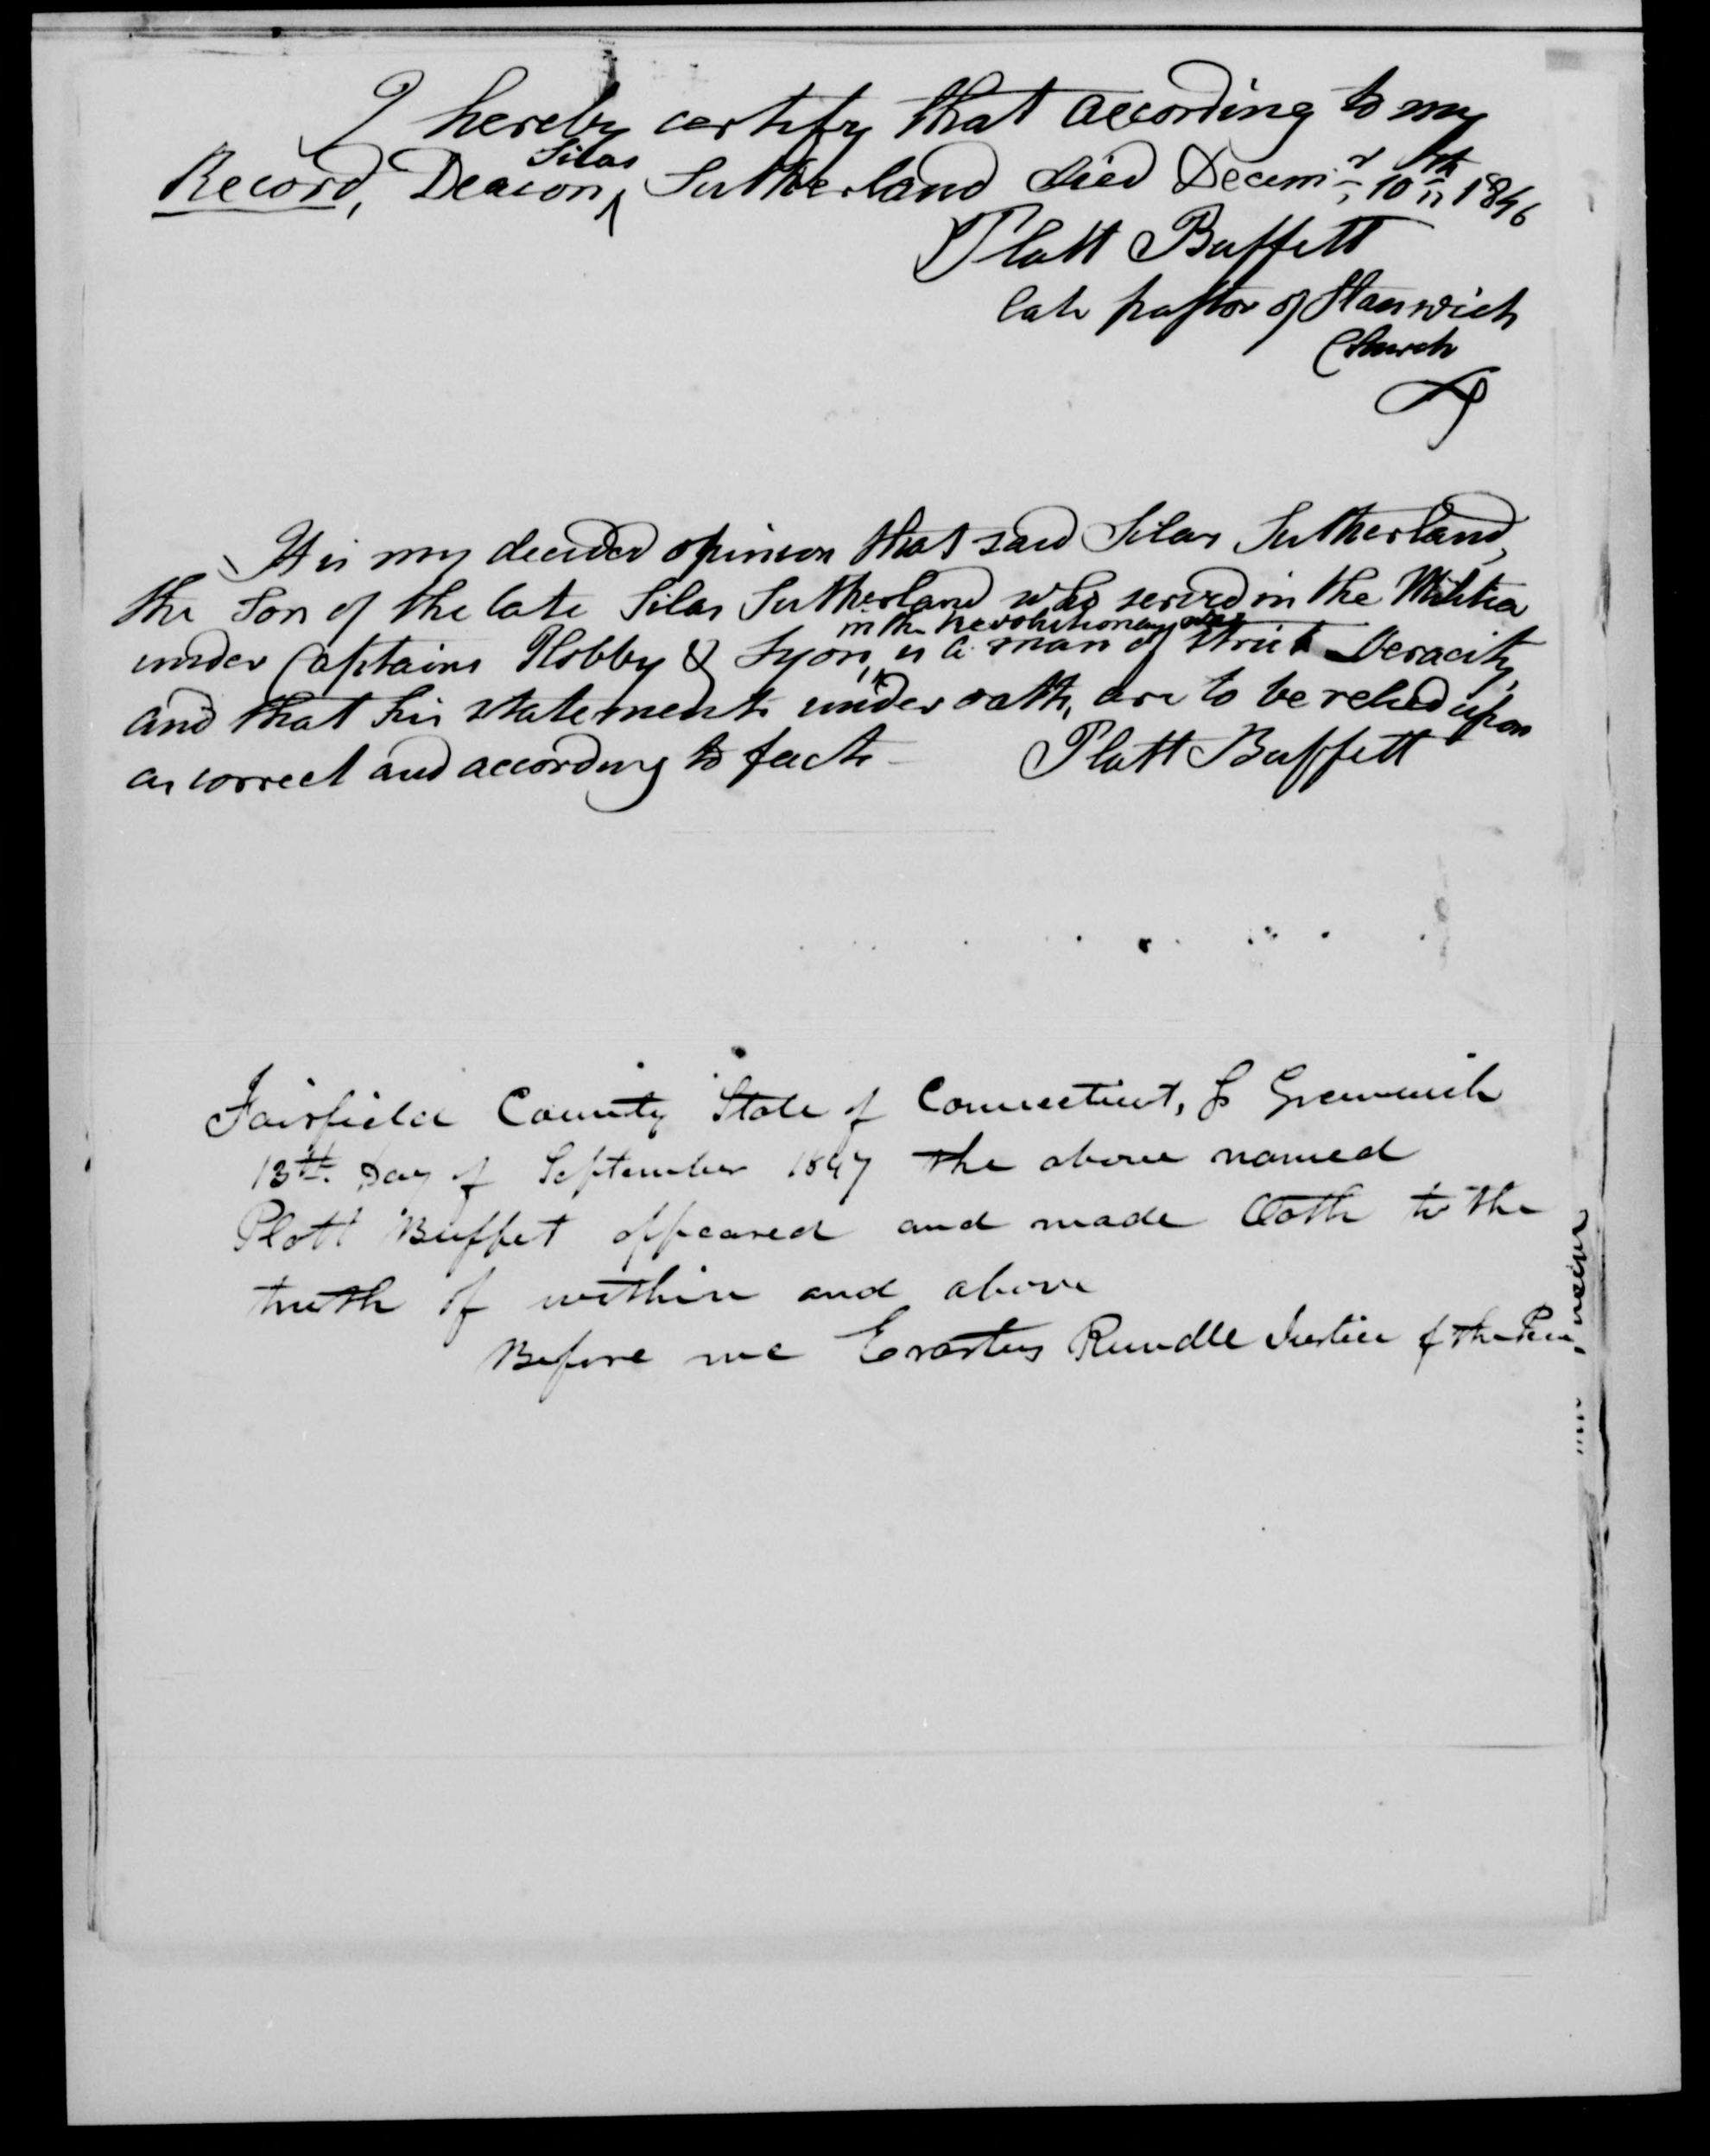I hereby certify that according to my Record, Deacon Silas Sutherland died Decemr 10th 1846

Platt Buffett
Cah Pastor of Stanwich Church

It is my decided opinion that said Silas Sutherland, the son of the late Silas Sutherland who served in the Militia under Captains Hobby and Lyon in the Revolutionary War is a man of strict veracity, and that his statements under oath, are to be relied upon as correct and according to facts.  

Platt Buffett

Fairfield County State of Connecticut, Ss Greenwich 13th Day of September 1847 the above named Platt Buffett appeared and made oath to the truth of within and above

Before me Erastus Rundle Justice of the Peace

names: Erastus Rundle; [BLANK] Lyon; Silas Sutherland; Platt Buffett; Silas Sutherland; Platt Buffett; [BLANK] Hobby; Platt Buffet; Silas Sutherland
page: 7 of 77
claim: survivor's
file: S. 23003, for Silas Southerland, New York